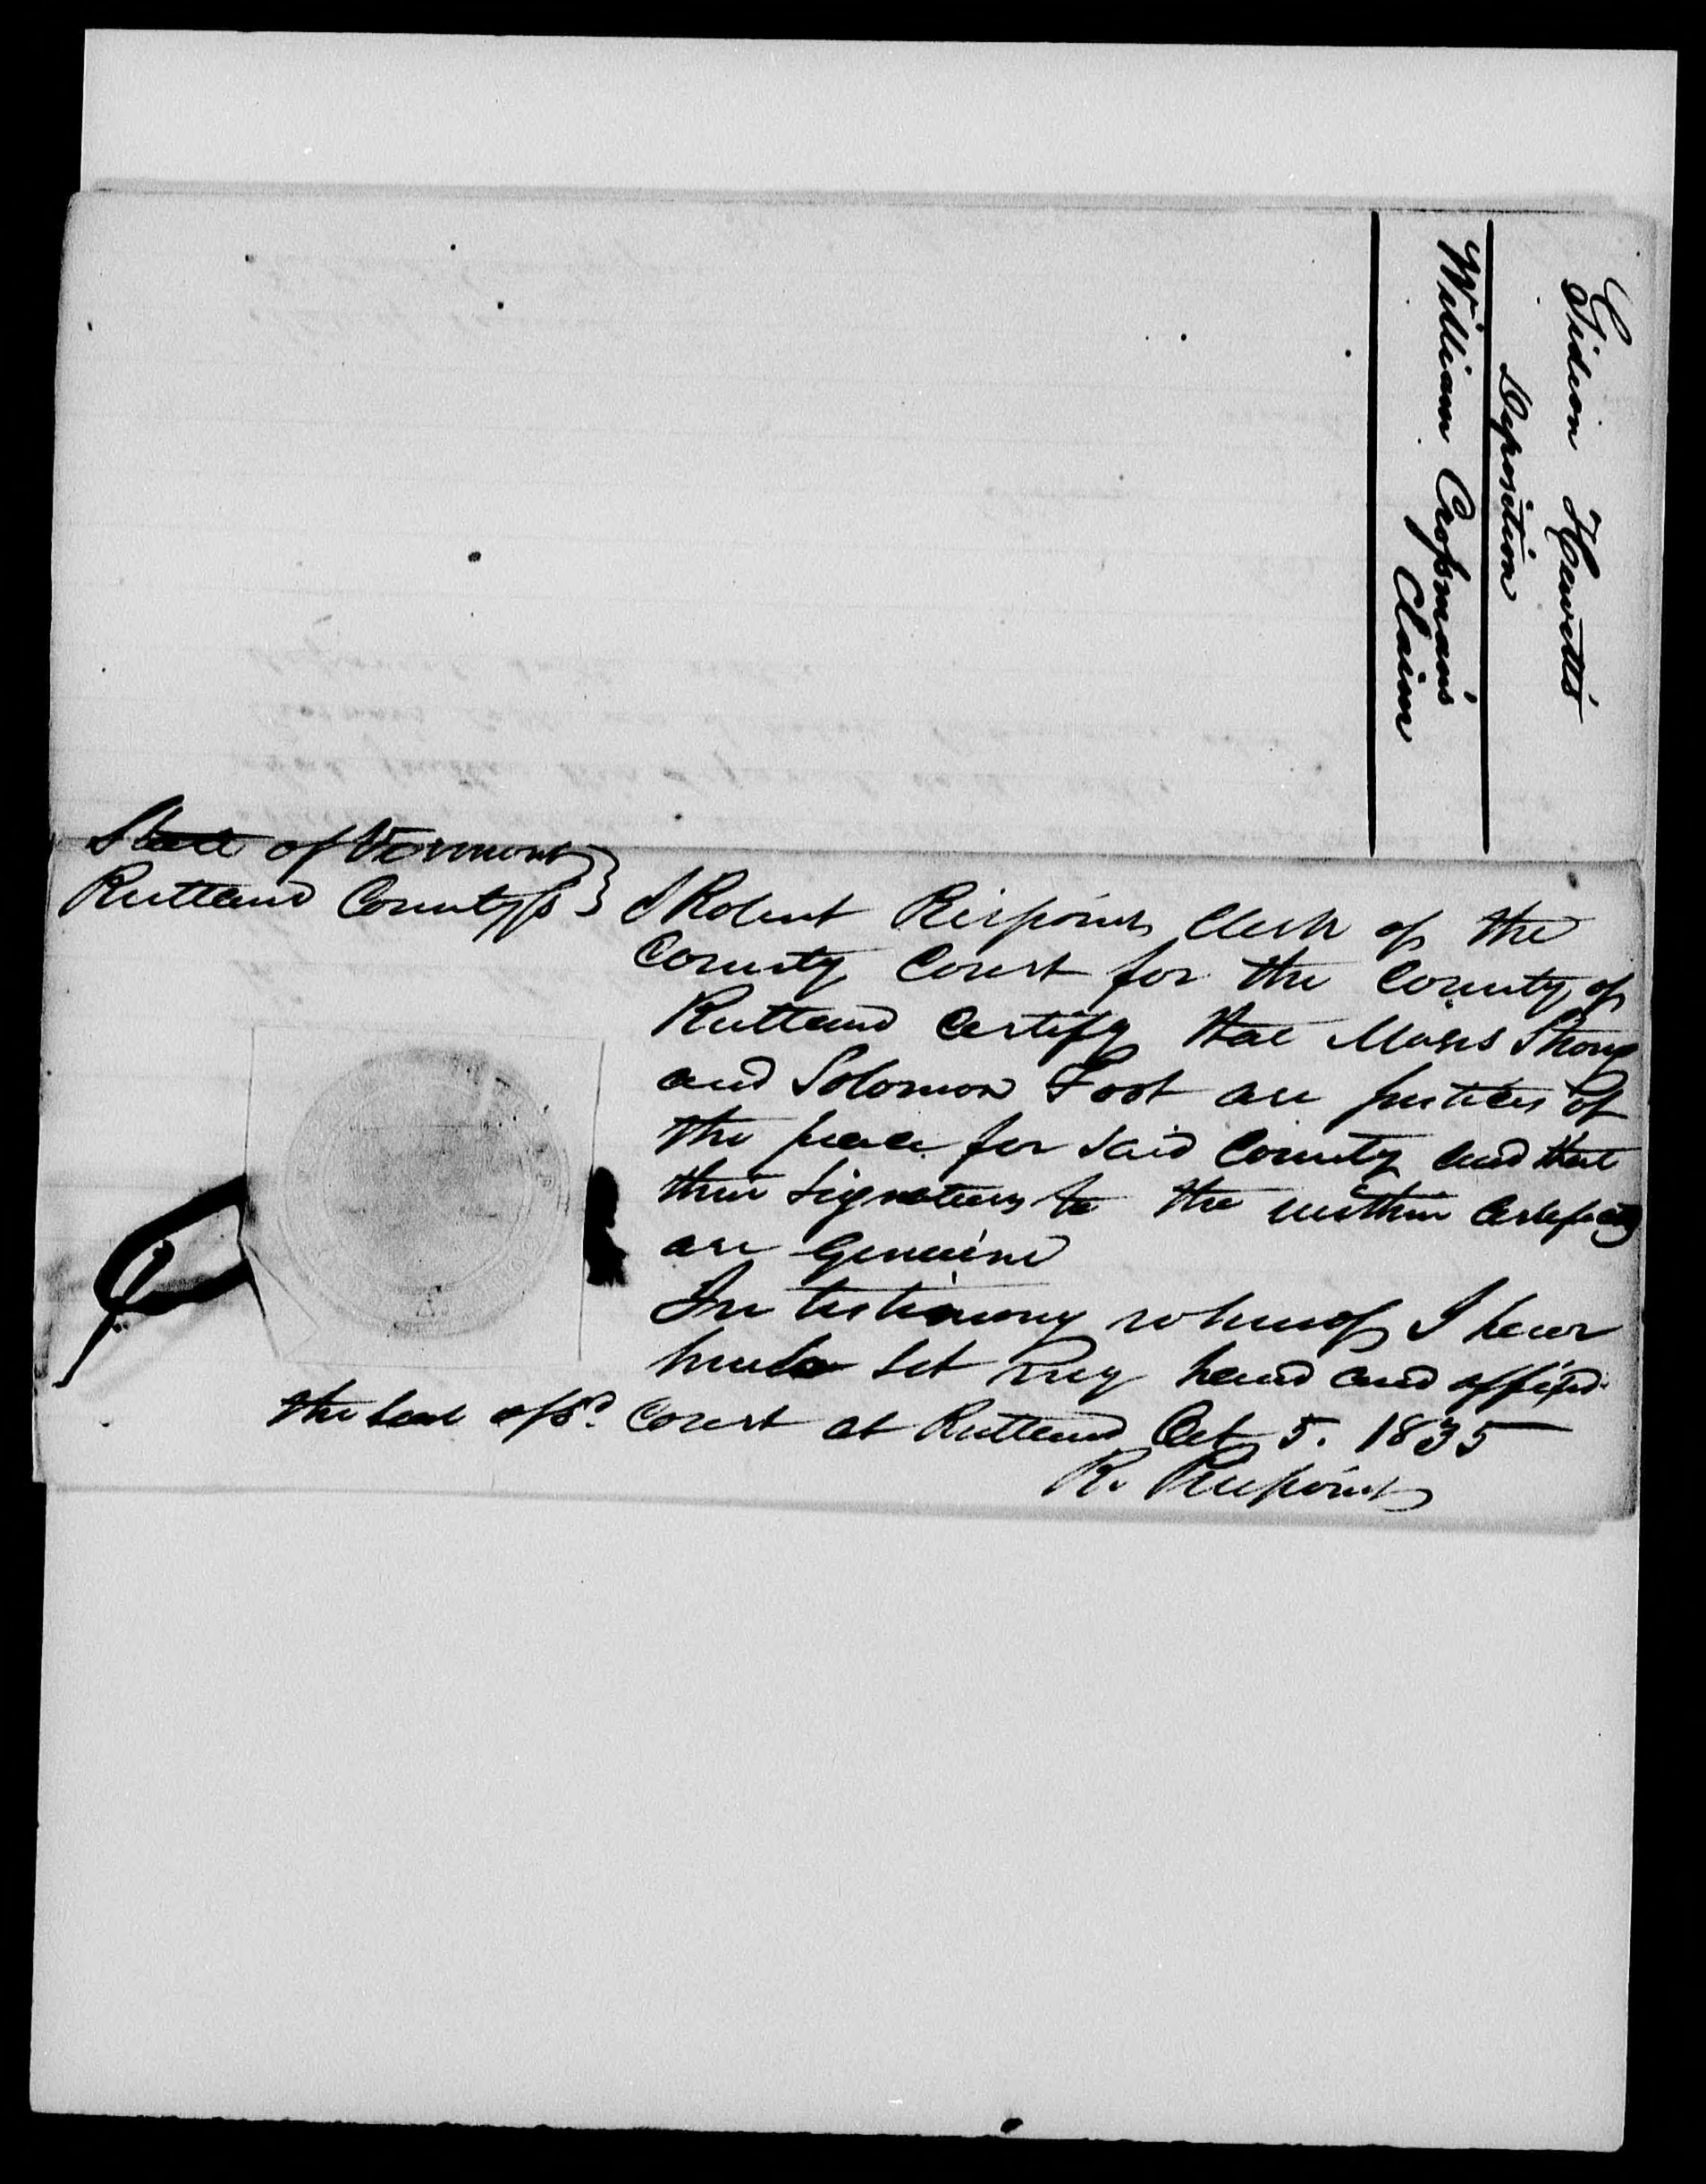Gideon Hewett's Deposition
William Crossman's Claim

State of Vermont
Rutland County ss} I Robert Pierpoint Clerk of the County Court for the County of Rutland certify that Moses Strong and Solomon Foot are Justices of the peace for said County and that their signatures to the within certificate are genuine
[court seal affixed]
In testimony whereof I have hereto set my hand and affixed the Seal of s'd Court at Rutland Oct 5. 1835
/s/R. Pierpoint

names: R Pierpoint, William Crossman, Gideon Hewett, Solomon Foot, Robert Pierpoint, Moses Strong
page: 33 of 33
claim: survivor's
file: S. 12632, William Crossman, Mass. Vt.